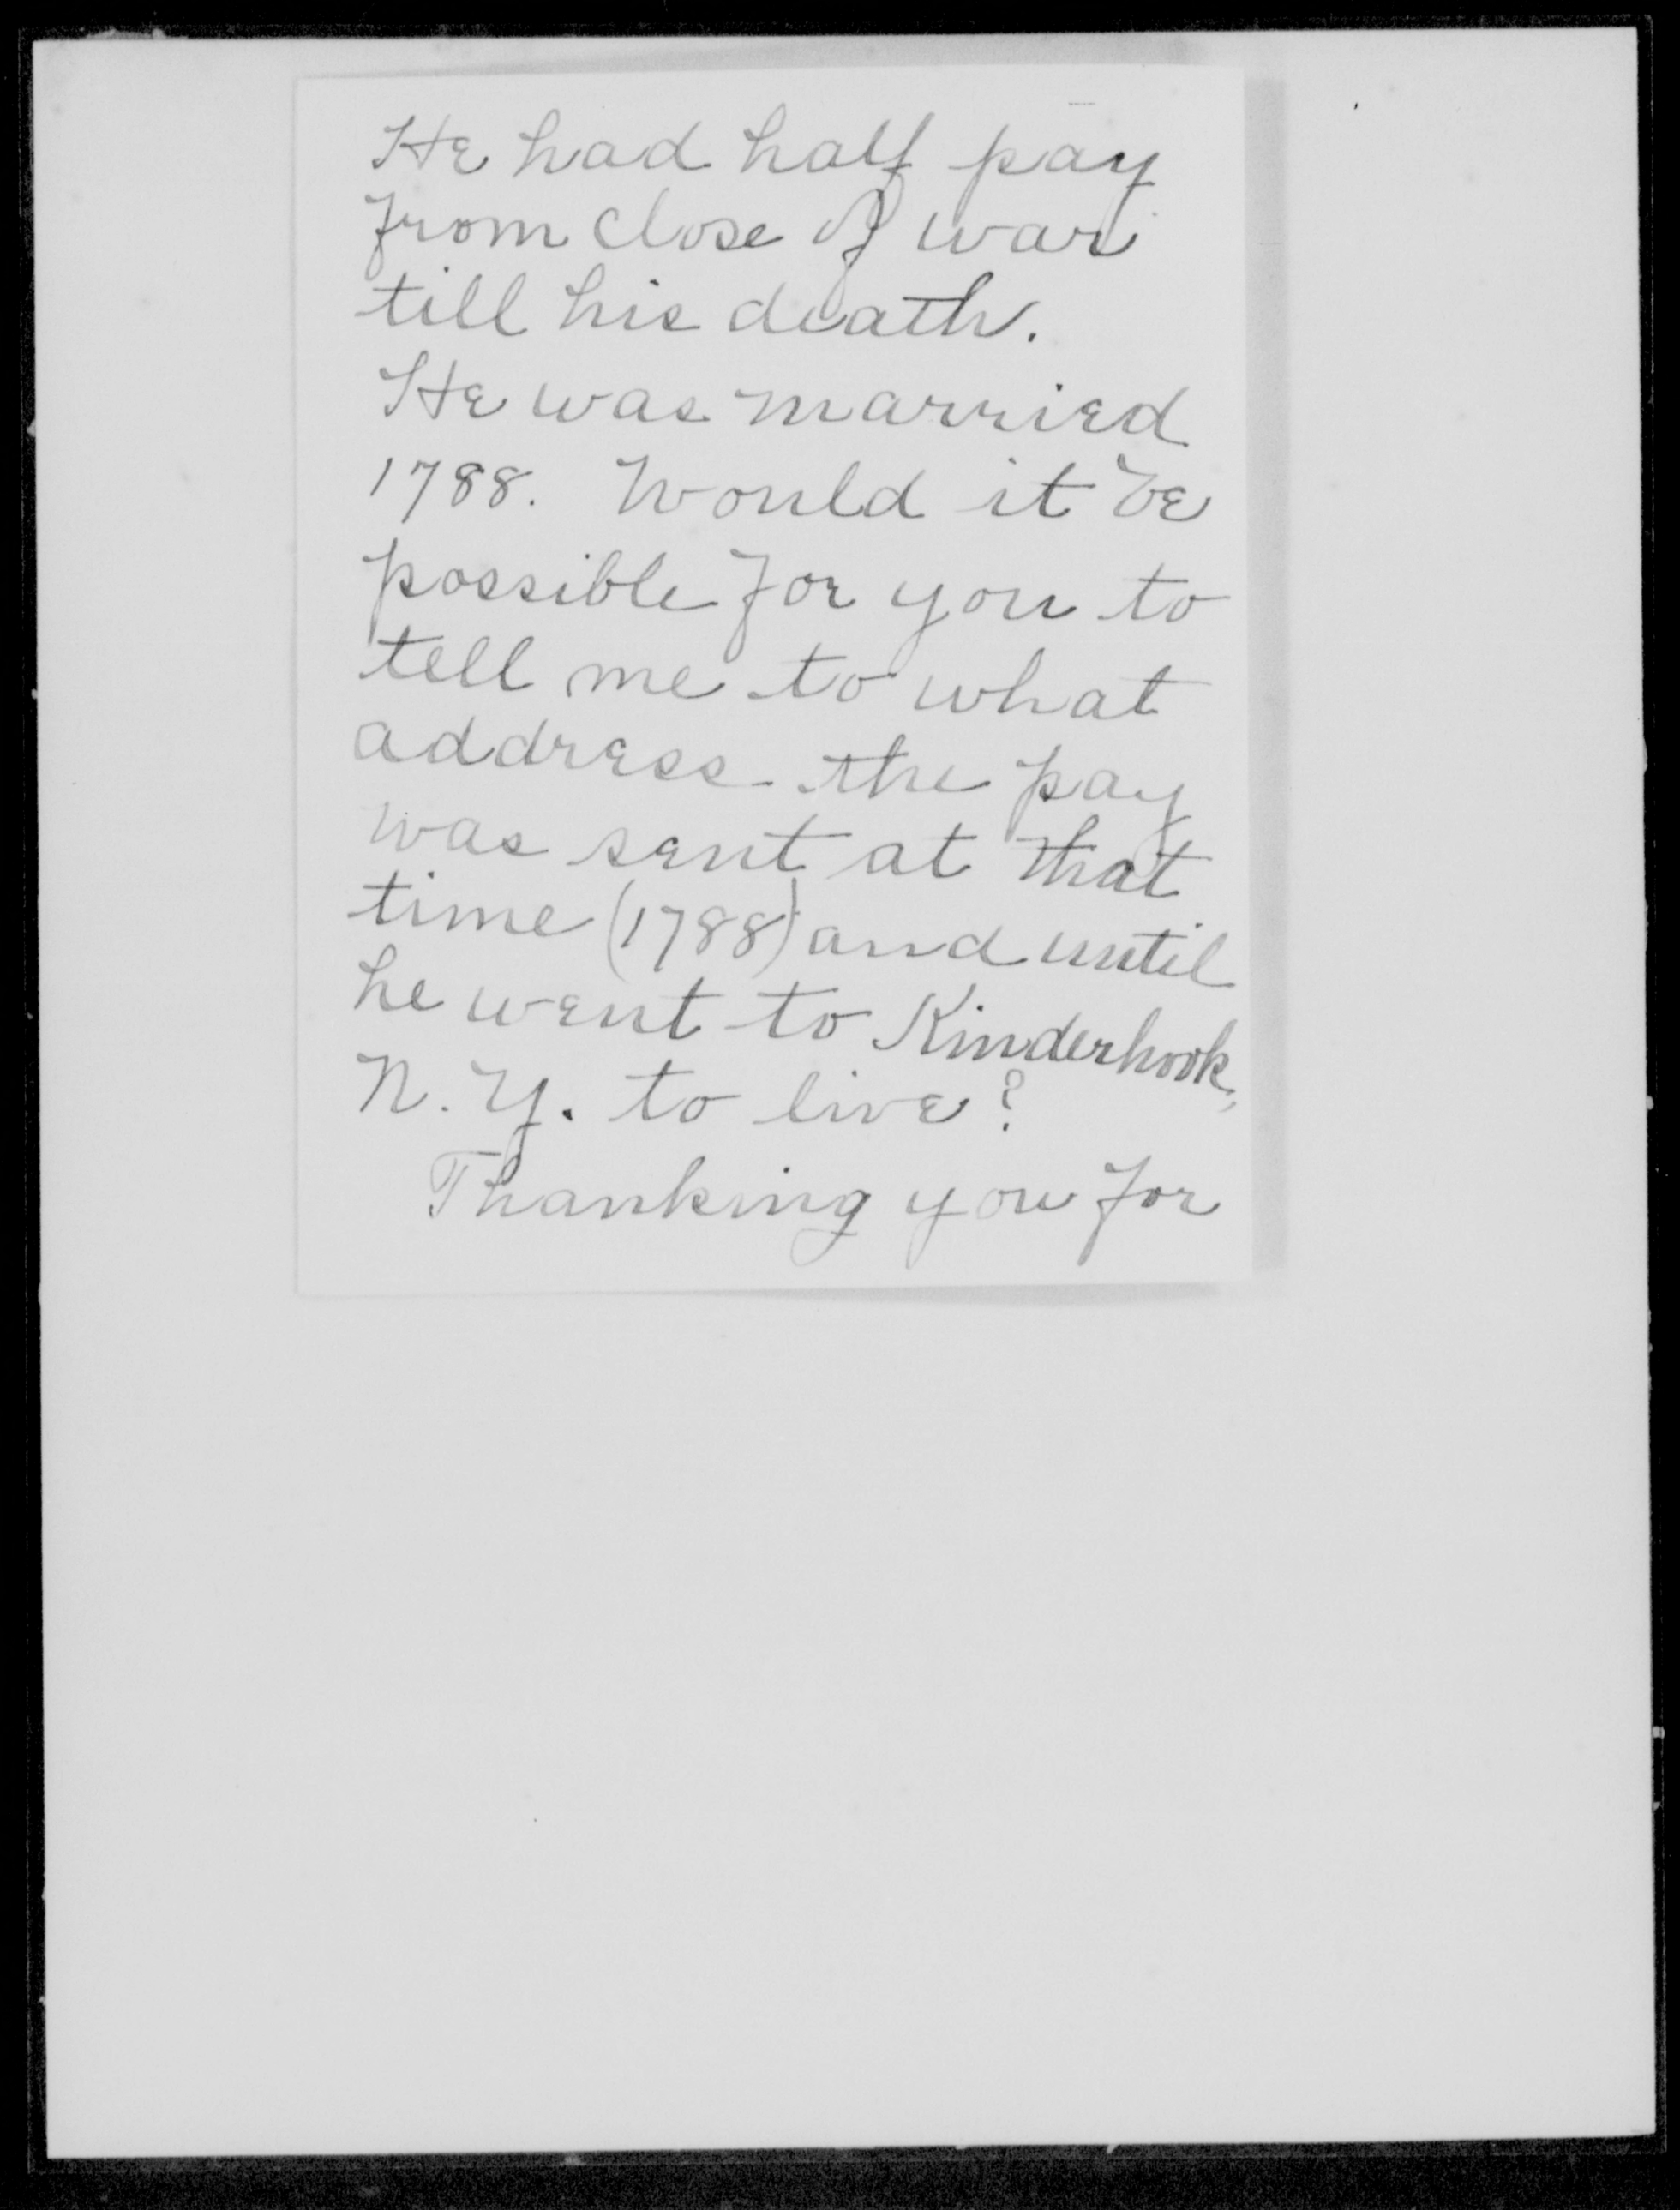He had half pay from close of war till his death.
He was married 1788. Would it be possible for you to tell me to what address the pay was sent at that time (1788) and until he went to Kinderhook N. Y. to live?
Thanking you for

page: 26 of 38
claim: widow's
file: W. 23324, Rudolphus Van Hoevenbergh, New York